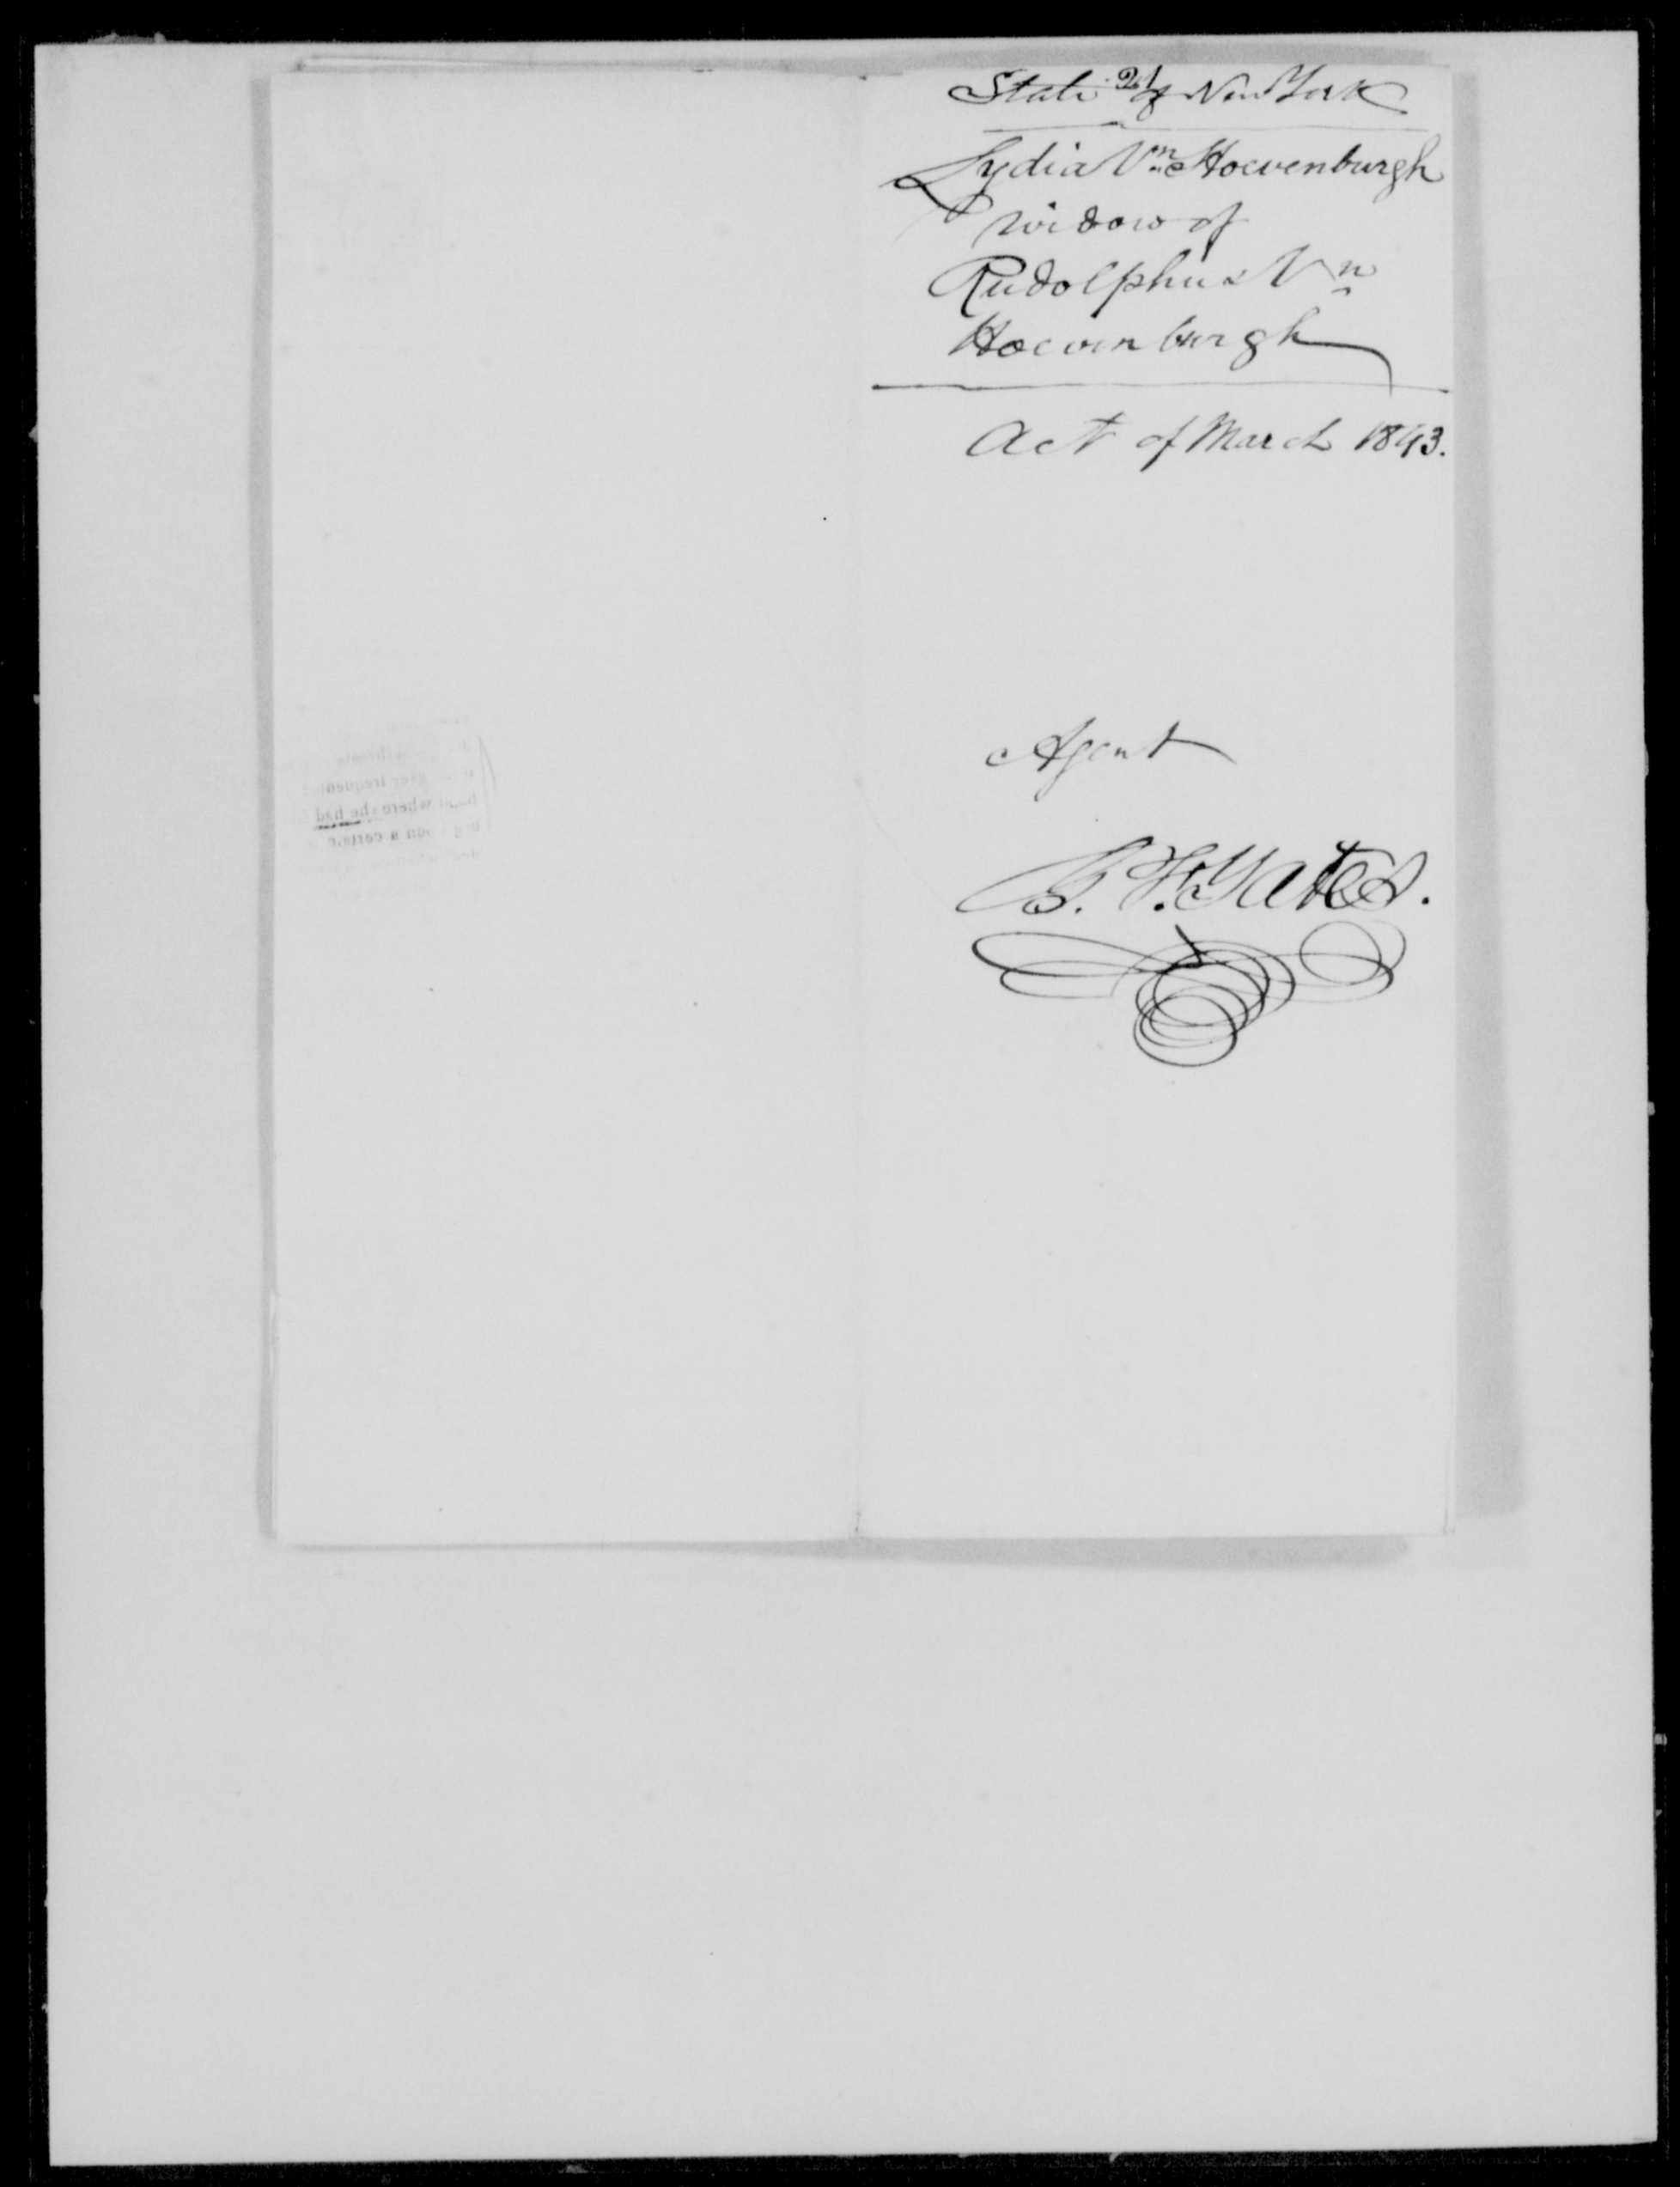21
State of New York
---
Lydia Von Howenburgh
widow of
Rudolphus Von
Hovenburgh
Act of March 1843.
Agent
G F Yates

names: G F Yates, Rudolphus Vn Hoevenburgh, Lydia Vn Hoevenburgh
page: 34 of 38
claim: widow's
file: W. 23324, Rudolphus Van Hoevenbergh, New York